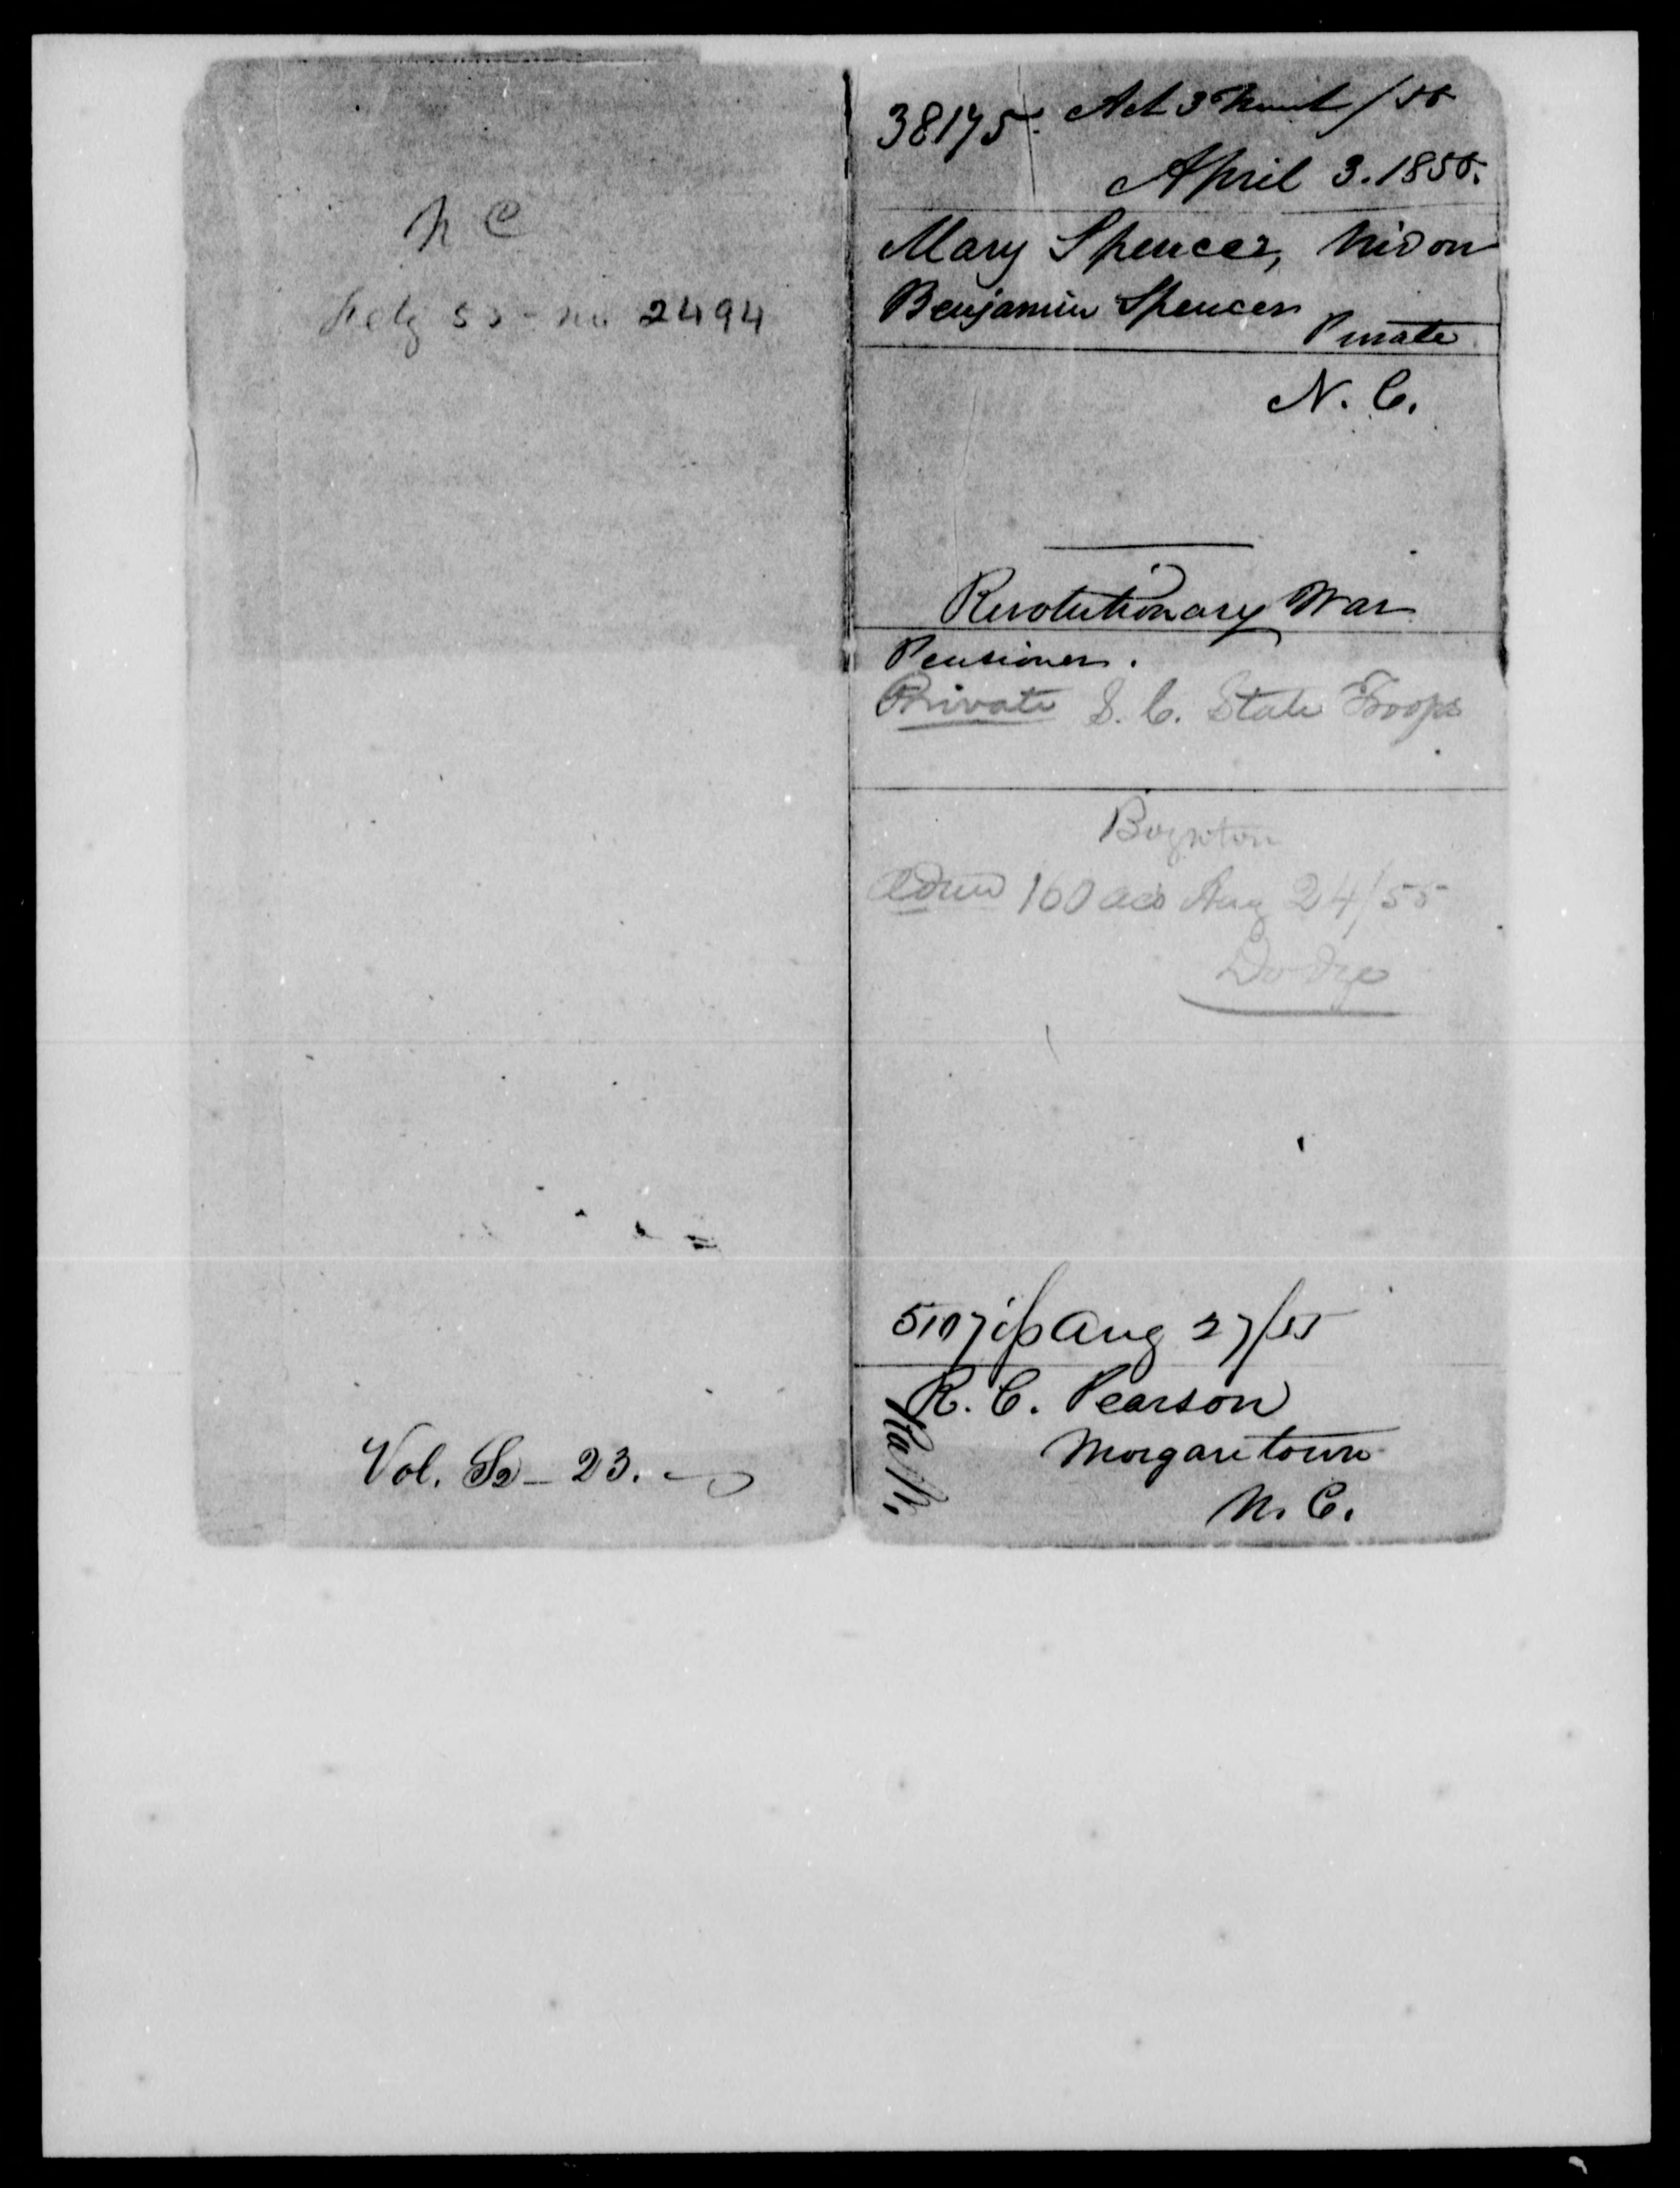[first panel]
N C Fctg 55 - no 2494

Vol. Sa _ 23.

[second panel]

38175 
Act  3 [illegible] 
April 3.1850
Mary Spencer, Widow
Benjamin Spencer
Private 
N.C.
Revolutionary War
Pensioner
Private S. C. State Troops

Boynton
down 160 ac's Aug 24/55
Dodge

5107 is Aug 27/55
R. C. Pearson
Morgantown N. C.
Ha N.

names: Benjamin Spencer; Mary Spencer; [BLANK] Boynton; R C Pearson; [BLANK] Dodge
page: 4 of 63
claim: widow's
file: W. 6158, for Benjamin Spencer, North Carolina